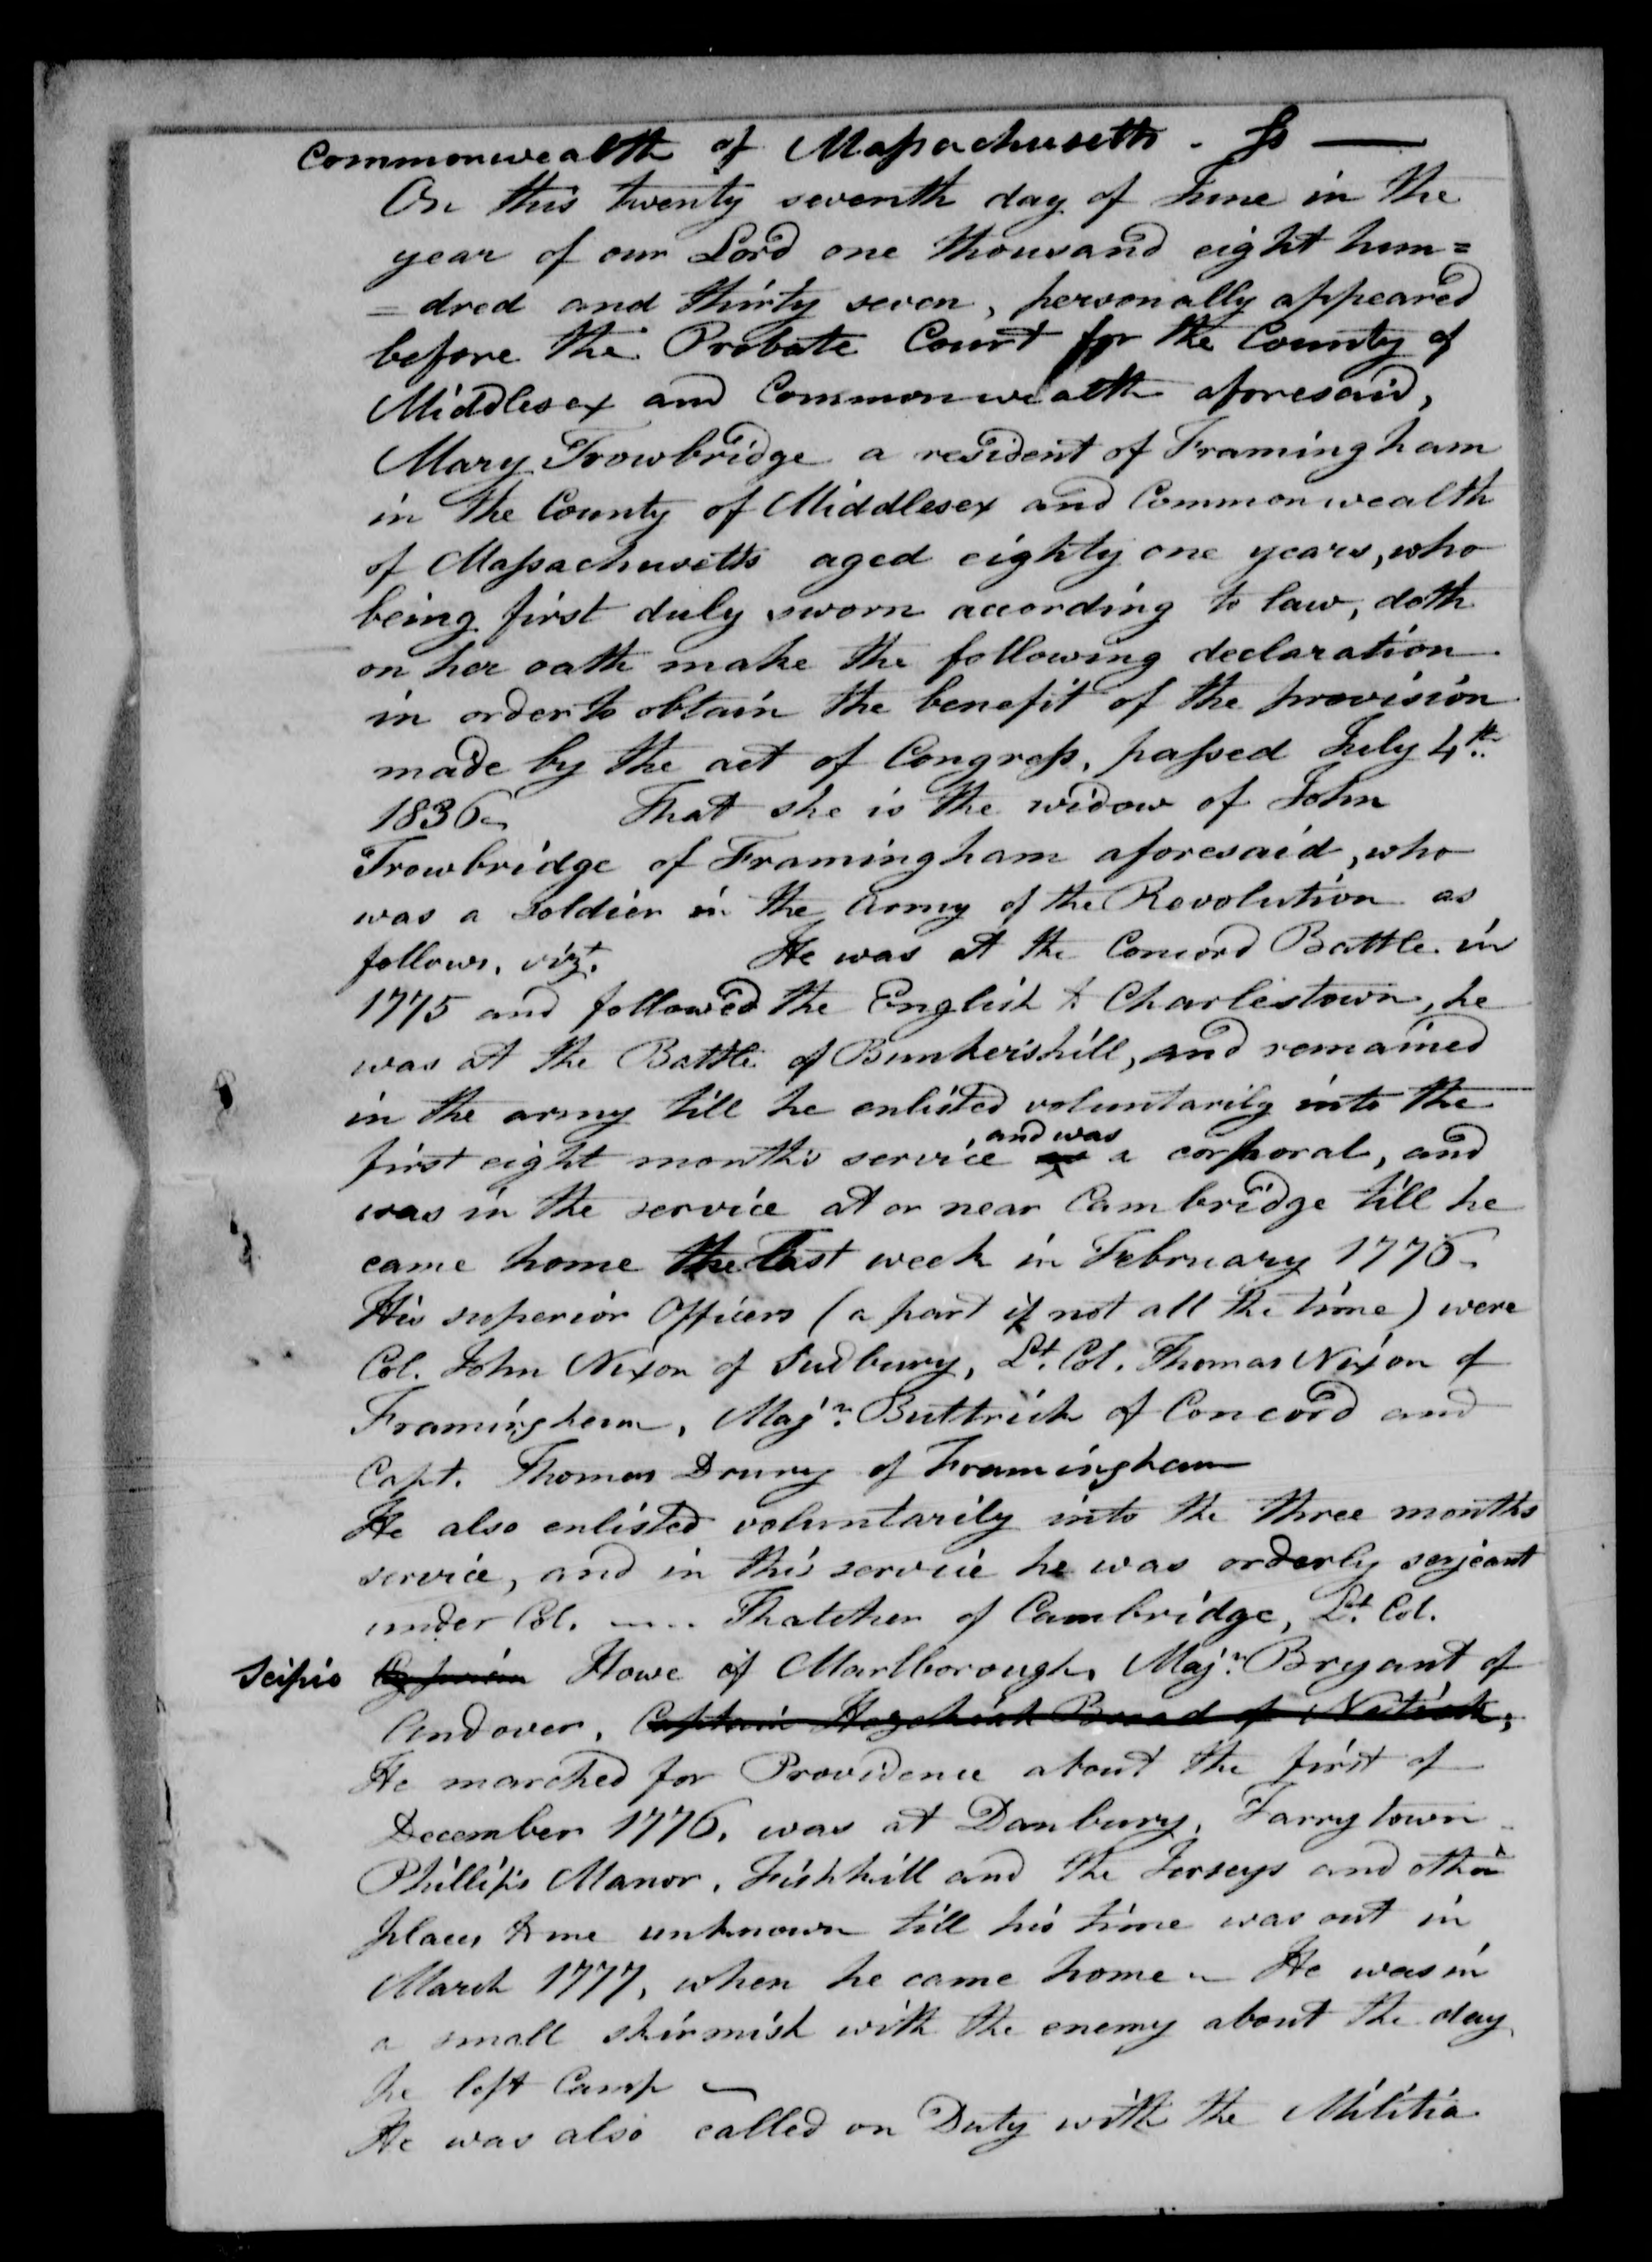Commonwealth of Massachusetts
On this twenty seventh day of June in the
year of our Lord one thousand eight hundred and thirty seven, personally appeared
before the Probate Court for the County of
Middlesex and Commonwealth aforesaid,
Mary Trowbridge a resident of Framingham
in the County of Middlesex and Commonwealth
of Massachusetts aged eighty one years, who
being first duly sworn according to law, doth
on her oath make the following declaration
in order to obtain the benefit of the provision
made by the act of Congress passed July 4th
1836
That she is the widow of John
Trowbridge of Framingham aforesaid, who
was a soldier in the Army of the Revolution as
follows, viz
He was at the Concord Battle in
1775 and followed the English to Charlestown, he
was at the Battle of Bunker'shill, and remained
in the army till he enlisted voluntarily into the
first eight months service and was a corporal, and
was in the service at or near Cambridge till he
came home the last week in February 1776
His superior Officers (a part if not all the time) were
Col. John Nixon of Sudbury, Lt. Col. Thomas Nixon of
Framingham, Maj Buttrick of Concord and
Capt. Thomas Downey of Framingham
He also enlisted voluntarily into the three months
service, and in this service he was orderly sergeant
under Col. Thatcher of Cambridge, Lt Col
Howe of Marlborough, Maj. Bryant of
Andover,
He marched for Providence about the first of
December 1776, was at Danbury, Farrytown
Phillip's Manor, Fishkill and the Jerseys and other
places to me unknown till his time was out in
March 1777, when he came home - He was in a
small skirmish with the enemy about the day he left camp
was also called on Duty with the Militia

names: Buttrick, Thomas Drury, Bryant, Thatcher, Mary Trowbridge, Thomas Nixon, Hezekiah Broad, John Nixon, John Trowbridge, Seipio Howe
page: 5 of 34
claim: widow's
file: W. 15439, John Trowbridge, Mass.